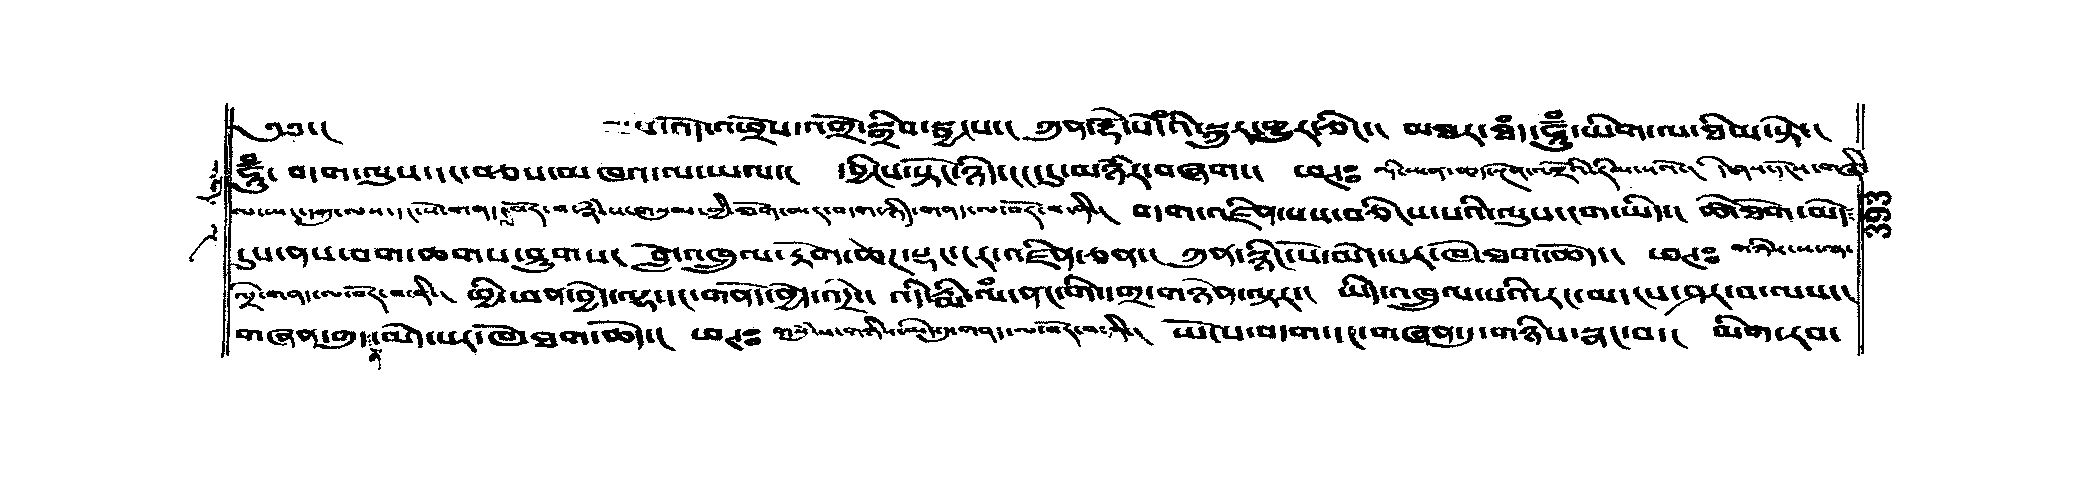ལས་འོད་འཕྲོས་འགྲོ་སྒྲིབ་སྦྱངས། །སྐུ་རྡོ་རྗེ་སེམས་དཔའི་སྐུར་གྱུར་ཅིང་། །མཐར་ཐམས་ཅད་ཧཱུྂ་ཡིག་ལ་ཐིམ་སྟེ། །
ཧཱུྂ། བདག་ལུས་དང་བཅས་པ་མཁའ་ལ་ཁྱབ། །དབྱིངས་སྟོང་ཉིད་ངང་དུ་མཉམ་པར་བཞག་།ཕཊཿའདི་ཡན་ཆད་སྔོན་འགྲོའི་རིམ་པའོ། དེ་ནས་དངོས་གཞི་
ལ་ཡང་དགུ་ལས་དང་པོ་གནད་ལ་བོར་བ་རྣམ་པ་གསུམ་གྱི་ཐོག་མར་བདག་ཉིད་གནད་ལ་བོར་བ་ནི།བདག་འཛིན་པས་བཅིང་པའི་ལུས་ངག་ཡིད། །ཚེ་ཐོག་མེད་
དུས་ནས་བག་ཆགས་ཤུགས། །བློ་འཁྲུལ་རྟོག་ཆགས་སྡང་ངར་འཛིན་ཅན། །ཀུན་སྙིང་པོ་མེད་པར་ཁོ་ཐག་ཆོད། །ཕཊཿགཉིས་པ་ལྷ་
འདྲེ་གནད་ལ་བོར་བ་ནི།ཕྱི་ཕན་བྱེད་ལྷ་དང་གནོད་བྱེད་འདྲེ། །འདི་རྨི་ལམ་ནང་གི་དགྲ་གཉེན་ལྟར། །ཡིད་འཁྲུལ་པའི་རང་མདངས་ཤར་བ་ལས། །
གཞན་གུད་ན་མེད་པར་ཁོ་ཐག་ཆོད། །ཕཊཿགསུམ་པ་གཉིས་མེད་དུ་གནད་ལ་བོར་བ་ནི། ཡོངས་བདག་དང་གཞན་དང་གཉིས་སྣང་བ། །མིག་རབ་